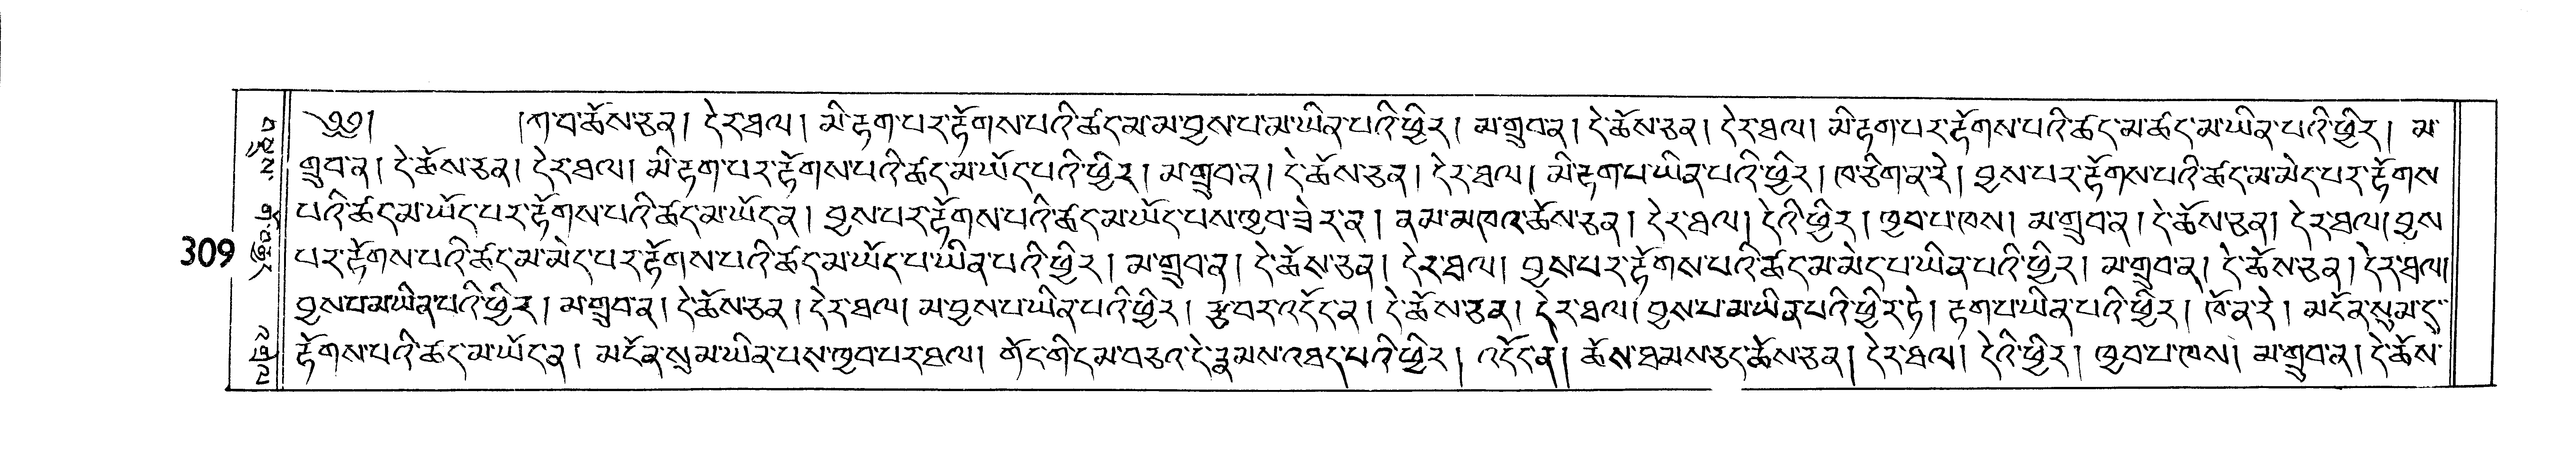༄༅། །ཀ་བ་ཆོས་ཅན། དེར་ཐལ། མི་རྟག་པར་རྟོགས་པའི་ཚད་མ་མ་བྱས་པ་མ་ཡིན་པའི་ཕྱིར། མ་གྲུབ་ན། དེ་ཆོས་ཅན། དེར་ཐལ། མི་རྟག་པར་རྟོགས་པའི་ཚད་མ་ཚད་མ་ཡིན་པའི་ཕྱིར། མ་
གྲུབ་ན། དེ་ཆོས་ཅན། དེར་ཐལ། མི་རྟག་པར་རྟོགས་པའི་ཚད་མ་ཡོད་པའི་ཕྱིར། མ་གྲུབ་ན། དེ་ཆོས་ཅན། དེར་ཐལ། མི་རྟག་པ་ཡིན་པའི་ཕྱིར། ཁ་ཅིག་ན་རེ། བྱས་པར་རྟོགས་པའི་ཚད་མ་མེད་པར་རྟོགས་
པའི་ཚད་མ་ཡོད་པར་རྟོགས་པའི་ཚད་མ་ཡོད་ན། བྱས་པར་རྟོགས་པའི་ཚད་མ་ཡོད་པས་ཁྱབ་ཟེར་ན། ནམ་མཁའ་ཆོས་ཅན། དེར་ཐལ། དེའི་ཕྱིར། ཁྱབ་པ་ཁས། མ་གྲུབ་ན། དེ་ཆོས་ཅན། དེར་ཐལ། བྱས་
པར་རྟོགས་པའི་ཚད་མ་མེད་པར་རྟོགས་པའི་ཚད་མ་ཡོད་པ་ཡིན་པའི་ཕྱིར། མ་གྲུབ་ན། དེ་ཆོས་ཅན། དེར་ཐལ། བྱས་པར་རྟོགས་པའི་ཚད་མ་མེད་པ་ཡིན་པའི་ཕྱིར། མ་གྲུབ་ན། དེ་ཆོས་ཅན། དེར་ཐལ།
བྱས་པ་མ་ཡིན་པའི་ཕྱིར། མ་གྲུབ་ན། དེ་ཆོས་ཅན། དེར་ཐལ། མ་བྱས་པ་ཡིན་པའི་ཕྱིར། རྩ་བར་འདོད་ན། དེ་ཆོས་ཅན། དེར་ཐལ། བྱས་པ་མ་ཡིན་པའི་ཕྱིར་ཏེ། རྟག་པ་ཡིན་པའི་ཕྱིར། ཁོ་ན་རེ། མངོན་སུམ་དུ་
རྟོགས་པའི་ཚད་མ་ཡོང་ན། མངོན་སུམ་ཡིན་པས་ཁྱབ་པར་ཐལ། གོང་གི་དམ་བཅའ་དེ་རྣམས་འཐད་པའི་ཕྱིར། འདོད་ན། ཆོས་ཐམས་ཅད་ཆོས་ཅན། དེར་ཐལ། དེའི་ཕྱིར། ཁྱབ་པ་ཁས། མ་གྲུབ་ན། དེ་ཆོས་